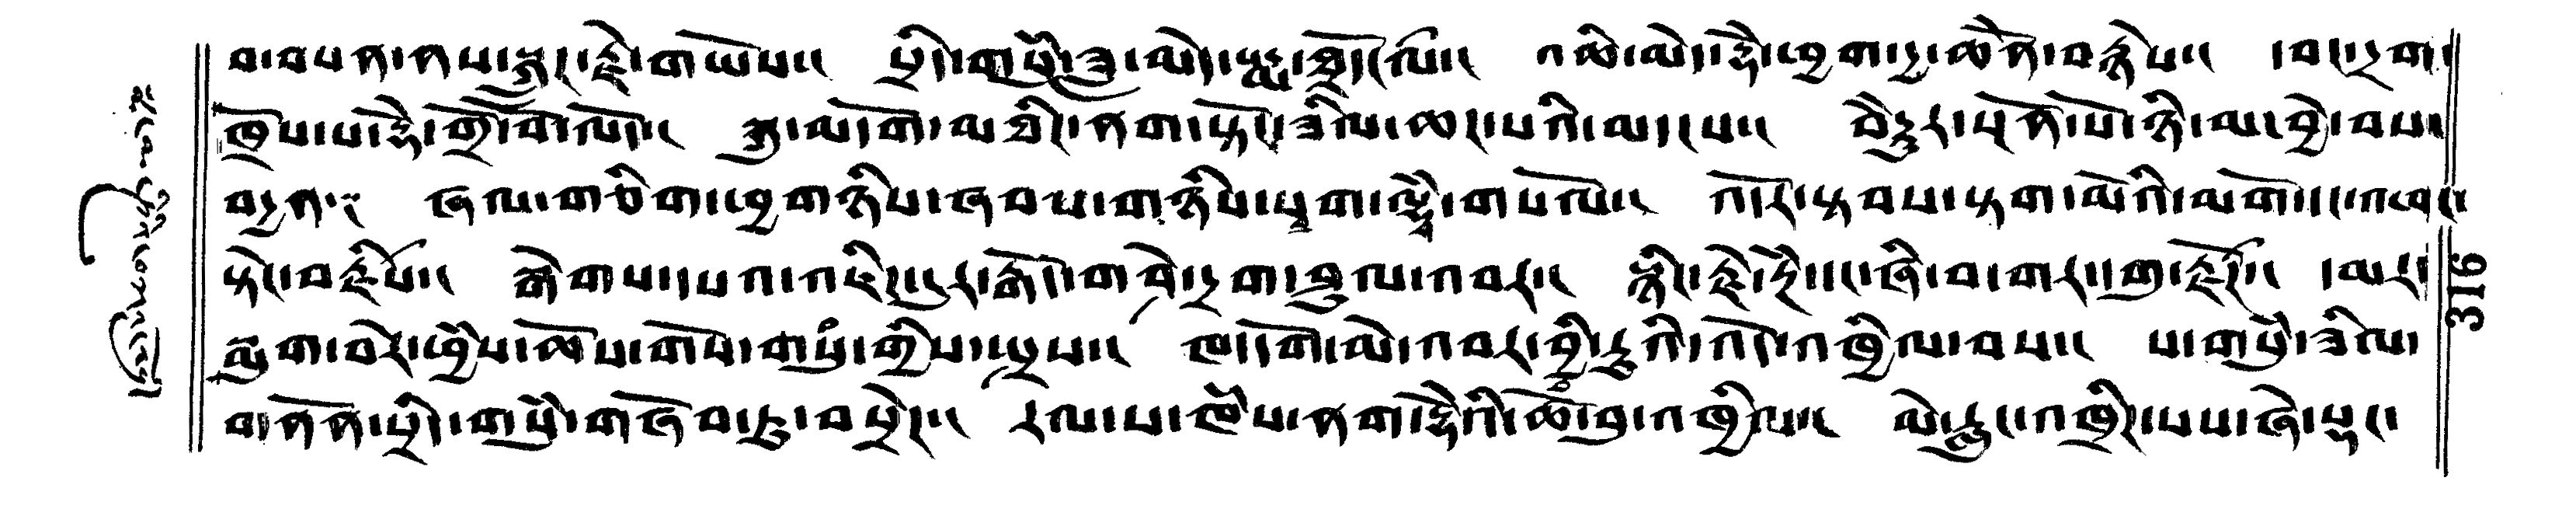བ་བསན་ནས་སྐུ་གསུང་ཐུགས་རྗེ་གཡོས། །སྲིད་གསུམ་ཟླ་མེད་པདྨ་ཐོད་ཕྲེང་རྩལ། །འཆི་མེད་རྡོ་རྗེ་ཕྱག་རྒྱ་ཆེན་པོ་བརྙེས། །དབང་དྲག་
ཁྲོས་པ་རྡོ་རྗེ་གྲོ་བོ་ལོད། །སྐུ་མདོག་མཐིང་ནག་སྟོང་ཟིལ་ཆགས་པའི་མདངས།བཻཌཱུར་སྔོན་པོ་ཉི་མ་བྱེ་བས་
བརྒྱན། །ཞལ་གཅིག་ཕྱག་གཉིས་ཞབས་གཉིས་སྭག་ལྷམ་གསོལ། །འདོར་སྟབས་སྟག་མོའི་མགོ་དང་འཕོང་
སྟེང་བརྫིས། །སྒེག་དཔའ་འཇིགས་རུང་རྒོད་གཤེད་དྲག་ཤུལ་འབར། །སྙིང་རྗེ་རྔམས་དང་ཞི་བ་གར་དགུ་རྫོགས། །དམར་
སྨུག་བེར་ཕྱམས་ཆོས་གོས་གསུམ་གྱིས་སྤྲས། ཁ་དོག་མེ་འབར་བྱི་རུའི་འོད་འཁྱིལ་བས། །ས་གསུམ་ཟིལ་
གནོན་སྲིད་གསུམགཞོབ་ཏུ་བསྲེག །རལ་པ་ཁམས་ནག་རྡོ་རྗེའི་ཚོམ་བུ་འཁྱིལ། །མེ་རླུང་འཁྲིགས་པས་ཞེ་སྡང་